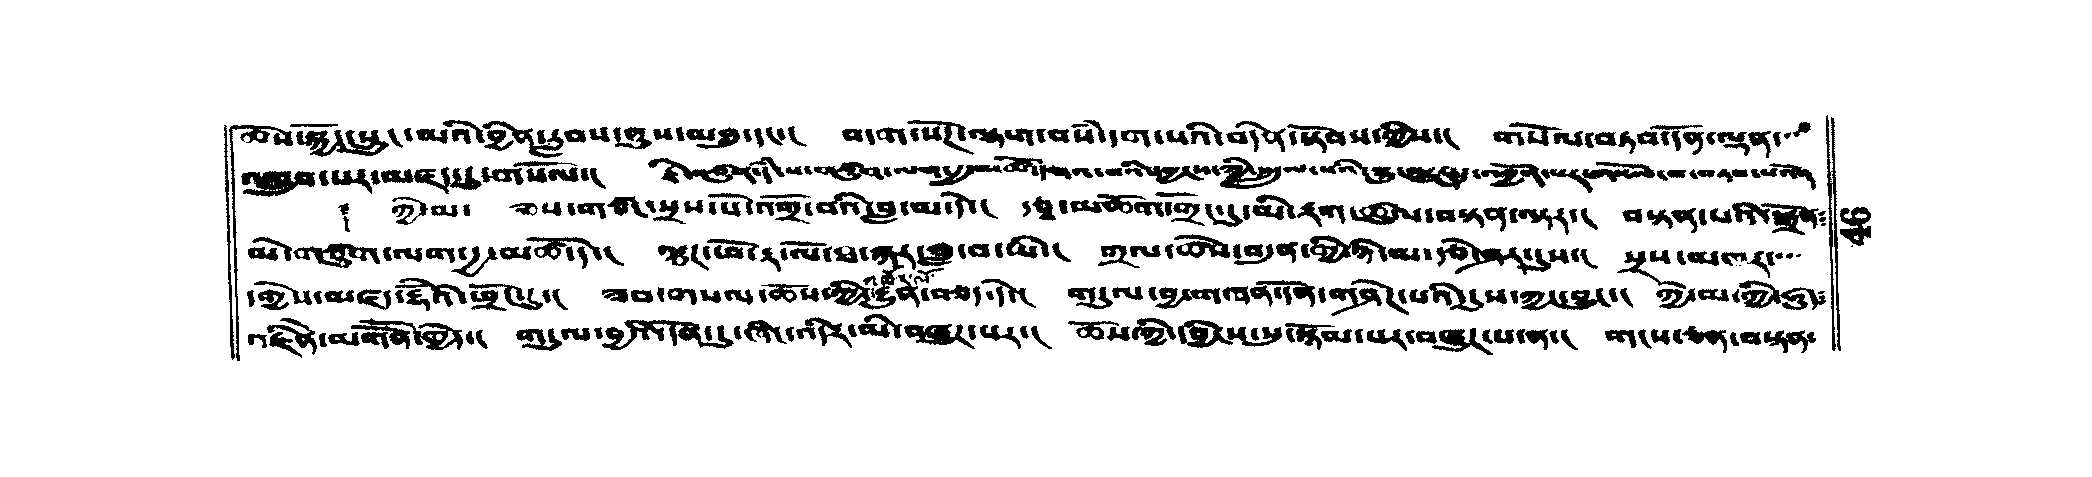།ཆོས་སྐྱོང་སྲུང་མའི་བྱིན་རླབས་ནུས་མཐུ་དང་། །བདག་སོགས་ལྷག་བསམ་དག་པའི་བདེན་སྟོབས་ཀྱིས། །གསོལ་བཏབ་དོན་ལྡན་
འགྲུབ་པར་མཛད་དུ་གསོལ། །རྗེ་བཙུན་དམ་པ་གཙུག་ལག་རྒྱ་མཚོ་དགའ་བའི་དབྱངས་ཀྱི་སྤྲུལ་པའི་སྐུ་མྱུར་དུ་འབྱོན་པར་གསོལ་བ་བཏབ་པའོ།། 
༈ ཀྱེ་མ། ཟས་གཙང་སྲས་པོ་འགྲོ་བའི་བླ་མ་དེ། །རྩ་མཆོག་གྲོང་དུ་མི་རྟག་ཚུལ་བསྟན་ལྟར། །བསྟན་པའི་སྒྲོན་
མེ་གཙུག་ལག་རྒྱ་མཚོ་དེ། །ལྕགས་ཕོ་རྟ་ལོ་ཐ་སྐར་ཟླ་བ་ཡི། །གྲལ་ཚེས་བདུན་གྱི་ཉི་མ་རྩེ་ཤར་དུས། །སྲས་མཁར་
དགྱེས་མཛད་རྡོ་རྗེའི་ཕོ་བྲང་དུ། །ཟབ་གསལ་ཆོས་ཀྱི་འཁོར་ལོ་རྒྱུན་བཅད་དེ། །གདུལ་བྱ་གཞན་དོན་གཤེགས་པའི་དུས་ཀྱང་བྱུང་། ཀྱེ་མ་ཀྱི་ཧུད་
འཇིག་རྟེན་མགོན་པོ་ཁྱོད། །གདུལ་བྱའི་དོན་དུ་ཞིང་འདིར་མི་བཞུགས་པར། །ཆོས་ཀྱི་དབྱིངས་སུ་སྙོམས་པར་བཞུགས་པ་ན། །གངས་ཅན་བསྟན་